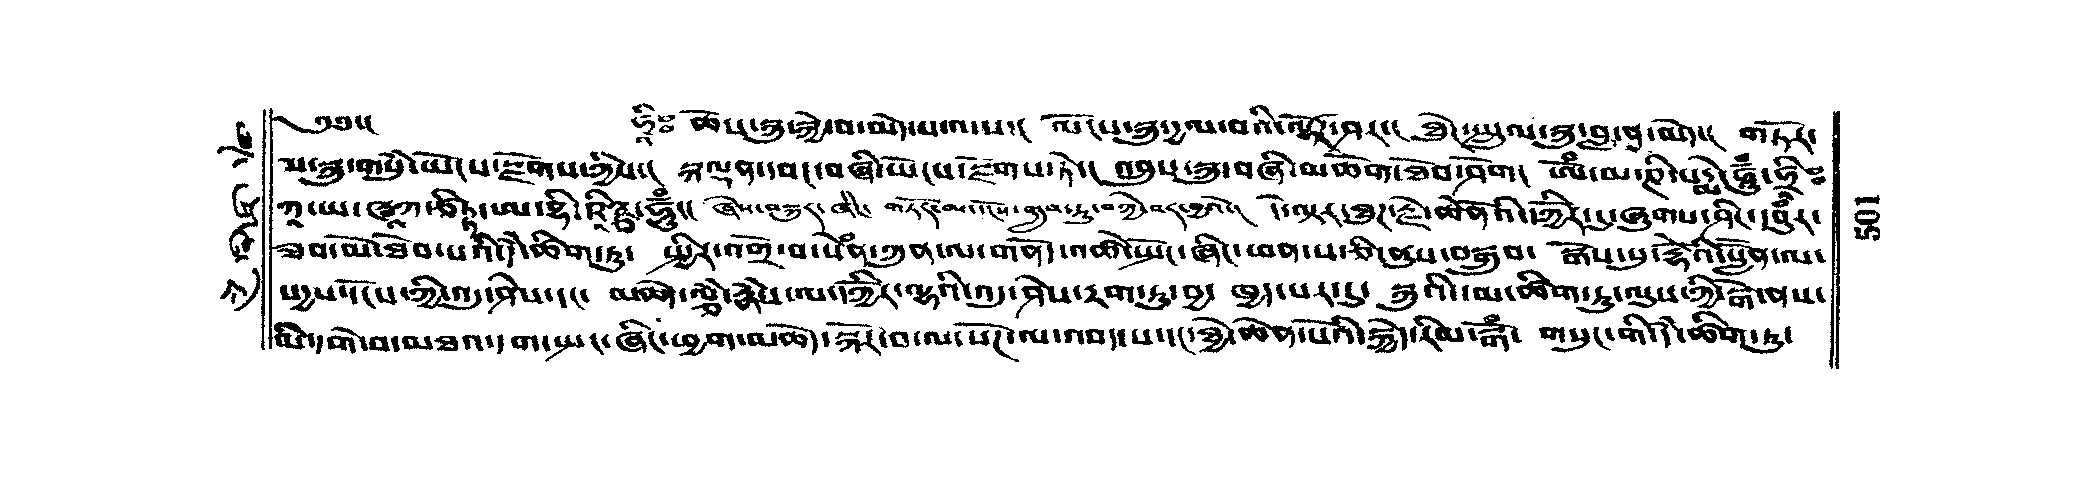ཧྲཱིཿ ཆོས་སྐུ་སྐྱེ་བ་མེད་པ་ལས། །ལོངས་སྐུ་རྒྱལ་བའི་ལྷ་ཚོགས་ཤར། །ཐུགས་རྗེ་སྤྲུལ་སྐུ་བླ་ན་མེད། །གཏོར་
མ་སྐུ་གསུམ་ཡོངས་རྫོགས་ཀྱིས།།འབྲས་བུ་སྐུ་བཞི་མཆོག་ཐོབ་ཤོག་། ཨོྃ་མ་ཎི་པདྨེ་ཧཱུྃ་ཧྲཱིཿ
ཀཱ་ཡ་ཝཱཀ་ཙིཏྟ་ཨ་བྷི་རཱིཉྩ་ཧཱུྃ། ཞེས་བསྐུར་ཞིང་། གཏོར་མ་དངོས་གྲུབ་ཏུ་བཀྱེ་བར་བྱའོ། དེ་ལྟར་ཐུགས་རྗེ་ཆེན་པོའི་དཀྱིལ་འཁོར་དུ་ཞུགས་ཤིང་དབང་བསྐུར་
ཟབ་མོ་ཐོབ་པའི་དམ་ཚིག་ཏུ། སྤྱིར་འགྲོ་བ་སེམས་ཅན་ཀུན་ལ་གནོད་འཚེ་སྤོང་ཞིང་ཕན་པ་ཅི་ནུས་བསྒྲུབ། སྒོས་སུ་རྡོ་རྗེའི་སློབ་དཔོན་ལ་
སངསརྒྱས་དངོས་ཀྱི་འདུ་ཤེས་དང་། མཆེད་ལྕམ་རྣམས་ལ་དཀྱིལ་འཁོར་འདུ་ཤེས་རྟག་ཏུ་བྱ། ཁྱད་པར་དུ་སྐུའི་དམ་ཚིག་ཏུ་ལུས་ཀྱི་སྒོ་ནས་
མི་དགེ་བ་མཐའ་དག་སྤང་ཞིང་ཕྱག་འཚལ་སྐོར་བ་ལ་སོགས་ལ་འབད་པ་དང་ཐུགས་རྗེ་ཆེན་པོའི་སྐྱེད་རིམ་སྒོམ། གསུང་གི་དམ་ཚིག་ཏུ་